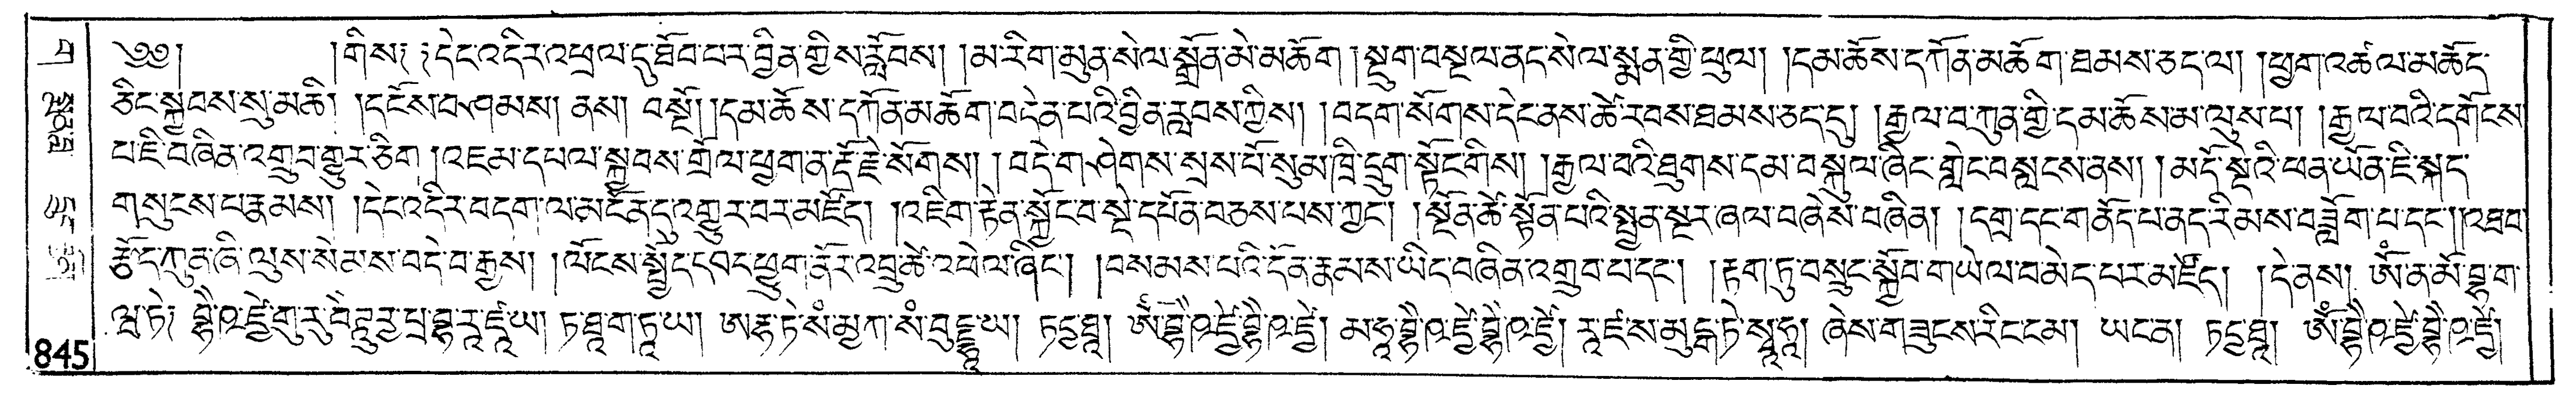༄༅། །གིས༑ ༑དེང་འདིར་འཕྲལ་དུ་ཐོབ་པར་བྱིན་གྱིས་རློབས། །མ་རིག་མུན་སེལ་སྒྲོན་མེ་མཆོག །སྡུག་བསྔལ་ནད་སེལ་སྨན་གྱི་ཕུལ། །དམ་ཆོས་དཀོན་མཆོག་ཐམས་ཅད་ལ། །ཕྱག་འཚལ་མཆོད་
ཅིང་སྐྱབས་སུ་མཆི། །དངོས་བཤམས། ནས། བསྔོ། །དམ་ཆོས་དཀོན་མཆོག་བདེན་པའི་བྱིན་རླབས་ཀྱིས། །བདག་སོགས་དེང་ནས་ཚེ་རབས་ཐམས་ཅད་དུ། །རྒྱལ་བ་ཀུན་གྱི་དམ་ཆོས་མ་ལུས་པ། །རྒྱལ་བའི་དགོངས་
པ་ཇི་བཞིན་འགྲུབ་གྱུར་ཅིག །འཇམ་དཔལ་སྐྱབས་གྲོལ་ཕྱག་ན་རྡོ་རྗེ་སོགས། །བདེ་གཤེགས་སྲས་པོ་སུམ་ཁྲི་དྲུག་སྟོང་གིས། །རྒྱལ་བའི་ཐུགས་དམ་བསྐུལ་ཞིང་གླེང་བསླངས་ནས། །མདོ་སྡེའི་ཕན་ཡོན་ཇི་སྐད་
གསུངས་པ་རྣམས། །དེང་འདིར་བདག་ལ་མངོན་དུ་འགྱུར་བར་མཛོད། །འཇིག་རྟེན་སྐྱོང་བ་སྡེ་དཔོན་བཅས་པས་ཀྱང་། །སྔོན་ཚེ་སྟོན་པའི་སྤྱན་སྔར་ཞལ་བཞེས་བཞིན། །དགྲ་དང་གནོད་པ་ནད་རིམས་བཟློག་པ་དང་། །འཐབ་
རྩོད་ཀུན་ཞི་ལུས་སེམས་བདེ་བ་རྒྱས། །ལོངས་སྤྱོད་དབང་ཕྱུག་ནོར་འབྲུ་ཚེ་འཕེལ་ཞིང་། །བསམས་པའི་དོན་རྣམས་ཡིད་བཞིན་འགྲུབ་པ་དང་། །རྟག་ཏུ་བསྲུང་སྐྱོབ་གཡེལ་བ་མེད་པར་མཛོད། །དེ་ནས། ཨོཾ་ན་མོ་བྷ་ག་
ཝ་ཏེ༑ བྷཻ་ཥ་ཛྱེ་གུ་རུ་བཻཌཱུ་རྱ་པྲ་བྷ་རཱ་ཛཱ་ཡ། ཏ་ཐཱ་ག་ཏཱ་ཡ། ཨརྷ་ཏེ་སཾ་མྱ་ཀ་སཾ་བུདྡྷཱ་ཡ། ཏདྱ་ཐཱ། ཨོཾ་བྷཻ་ཥ་ཛྱེ་བྷཻ་ཥ་ཛྱེ། མཧཱ་བྷཻ་ཥ་ཛྱེ་བྷཻ་ཥ་ཛྱེ། རཱ་ཛ་ས་མུངྒ་ཏེ་སྭཱཧཱ། ཞེས་གཟུངས་རིང་ངམ། ཡང་ན། ཏདྱ་ཐཱ། ཨོཾ་བྷཻ་ཥ་ཛྱེ་བྷཻ་ཥ་ཛྱེ།